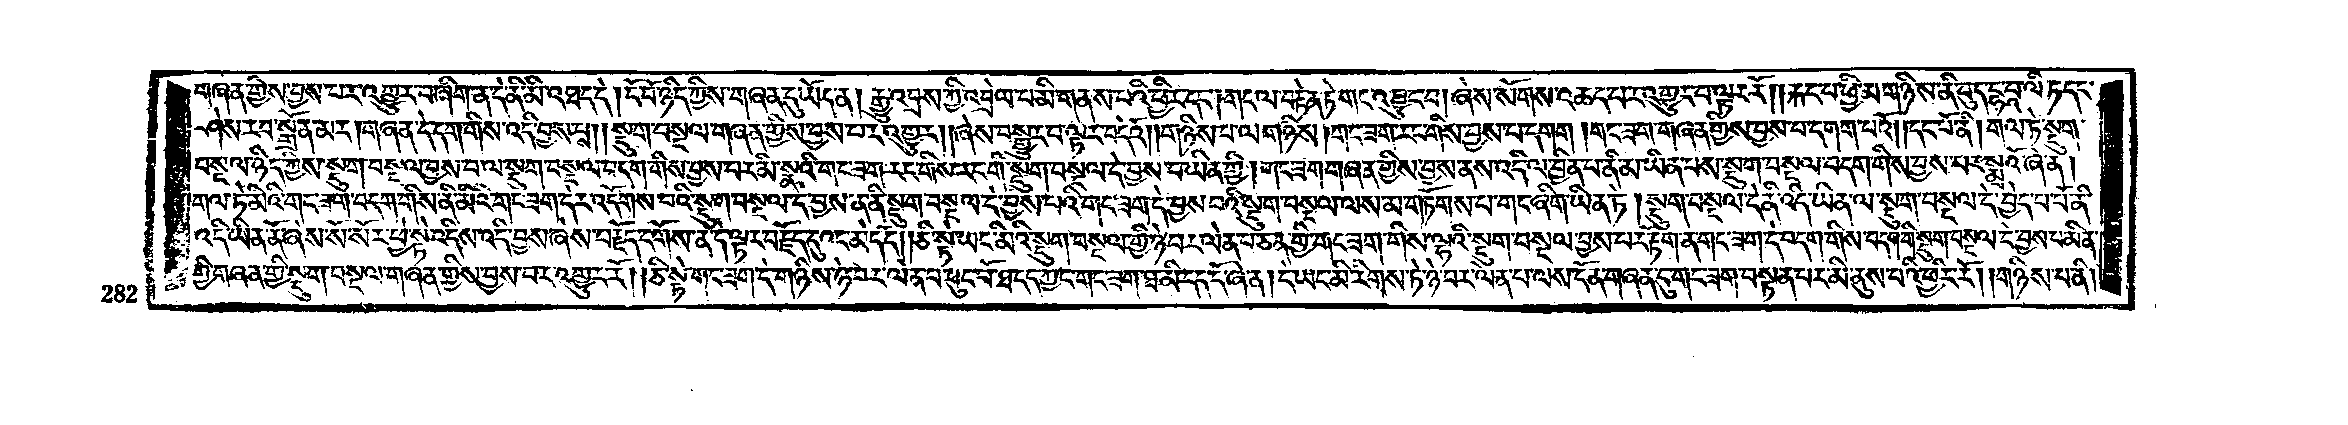གཞན་གྱིས་བྱས་པར་འགྱུར་བཞིག་ན་དེ་ནི་མི་འཐད་དེ། ངོ་བོ་ཉིད་ཀྱིས་གཞན་དུ་ཡོད་ན། རྒྱུ་འབྲས་ཀྱི་འབྲེལ་བ་མི་གནས་པའི་ཕྱིར་དང་། གང་ལ་བརྟེན་ཏེ་གང་འབྱུང་བ། ཞེས་སོགས་འཆད་པར་འགྱུར་བ་ལྟར་རོ། །རྐང་པ་ཕྱི་མ་གཉིས་རི་བུད་དྷ་པཱ་ལི་ཏ་དང་
ཤེས་རབ་སྒྲོན་མར། གཞན་དེ་དག་གས་འདི་བྱས་པས། །སྡུག་བསྔལ་གཞན་གྱིས་བྱས་པར་འགྱུར། །ཞེས་བསྒྱུར་བ་ལྟར་བདེའོ། །གཉིས་པ་ལ་གཉིས། གང་ཟག་རང་གིས་བྱས་པ་དགག །གང་ཟག་གཞན་གྱིས་བྱས་པ་དགག་པའོ། །དང་པོ་ནི། གལ་ཏེ་སྡུག་
བསྔལ་ཉིད་ཀྱིས་སྡུག་བསྔལ་བྱས་པ་ལ་སྡུག་བསྔལ་བདག་གིས་བྱས་པར་མེ་སྣའི་གང་ཟག་རང་གིས་རང་གི་སྡུག་བསྔལ་དེ་བྱས་པ་ཡིན་གྱི། གང་ཟག་གཞན་གྱིས་བྱས་ནས་འདི་ལ་བྱིན་པ་ནི་མ་ཡིན་པས་སྡུག་བསྔལ་བདག་གིས་བྱས་པར་སྨྲའོ་ཞེ་ན།
གལ་ཏེ་མིའི་གང་ཟག་བདག་གིས་ནི་མིའི་གང་ཟག་དེར་འདོགས་པའི་སྡུག་བསྔལ་དེ་བྱས་ན་ནི་སྡུག་བསྔལ་དེ་བྱས་པའི་གང་ཟག་དེ་བྱས་པའི་སྡུག་བསྔལ་ལས་མ་གཏོགས་པ་གང་ཞིག་ཡིན་ཏེ་།སྡུག་བསྔལ་དེ་ནི་འདི་ཡིན་ལ་སྡུག་བསྔལ་དེ་བྱེད་པ་པོ་ནི་
འདི་ཡིན་ནོ་ཞེས་སོ་སོར་ཕྱེ་སྟེ་འདིས་འདི་བྱས་ཞེས་བརྗོད་དགོས་ན་དེ་ལྟར་བརྗོད་དུའང་མེད་དོ། །ཅི་སྟེ་ཡང་མིའི་སྡུག་བསྔལ་གྱི་ཉེ་བར་ལེན་པ་ཅན་གྱི་གང་ཟག་གིས་ལྷའི་སྡུག་བསྔལ་བྱས་པར་རྟོག་ན་གང་ཟག་དེ་བདག་གིས་བདག་གི་སྡུག་བསྔལ་དེ་བྱས་པ་མིན་
གྱི་གཞན་གྱི་སྡུག་བསྔལ་གཞན་གྱིས་བྱས་པར་འགྱུར་རོ། །ཅི་སྟེ་གང་ཟག་དེ་གཉིས་ཉེ་བར་ལེན་པ་ཕུང་པོ་ཐ་དད་ཀྱང་གང་ཟག་ཐ་མི་དད་དོ་ཞེ་ན། དེ་ཡང་མི་རིགས་ཏེ་ཉེ་བར་ལེན་པ་ལས་དོན་གཞན་དུ་གང་ཟག་བསྟན་པར་མི་ནུས་པའི་ཕྱིར་རོ། །གཉིས་པ་ནི།